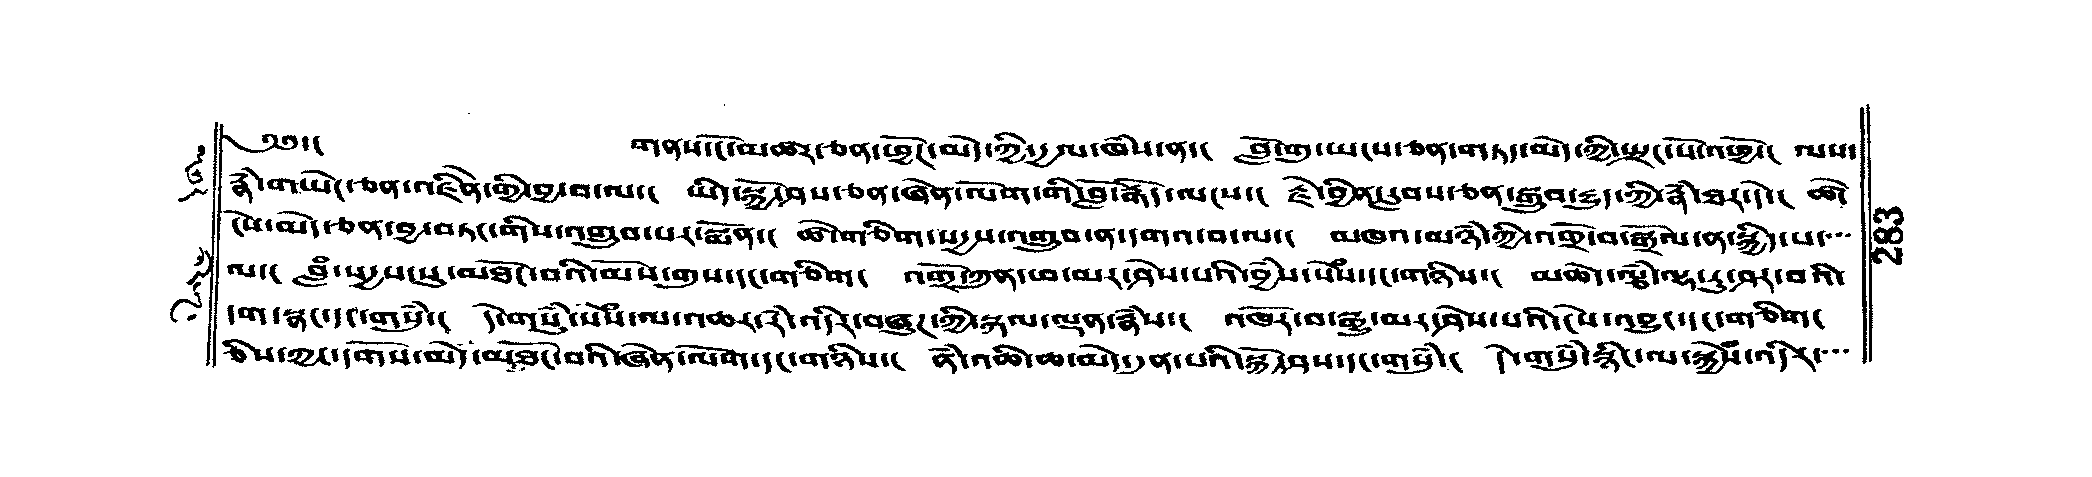།གནས་ངོ་མཚར་ཅན་ཕྱོགས་མེད་ཀྱི་རྒྱལ་ཁམས་ན། །བློ་གུ་ཡངས་ཅན་གཏད་མེད་ཀྱི་སྤྲང་པོ་འཕྱོ། །ལས་
རྣམ་གཡེང་ཅན་འཇིག་རྟེན་གྱི་བྱ་བ་ལ། །ཡིད་སྐྱོ་ཤས་ཅན་ཞེན་ལོག་གི་བློ་རྒོད་ལངས། །རྗེ་བྱིན་རླབས་ཅན་སྒྲུབ་རྒྱུད་ཀྱི་རྣམ་ཐར་དེ། །ཚེ་
ངེས་མེད་ཅན་བྱ་བཏང་གིས་འགྲུབ་པར་སྨོན། །ཚེ་གཅིག་སངས་རྒྱས་འགྲུབ་ན་དགའ་བ་ལ། །མཁའ་མཉམ་ཀྱི་འགྲོ་བ་སྒྲོལ་ན་སྐྱིད་པ་
ལ། །བླ་མ་སངས་རྒྱས་སུ་མཐོང་བའི་མོས་གུས་དང་གཅིག །འགྲོ་ཀུན་ཕ་མར་ཤེས་པའི་བྱམས་སེམས་དང་གཉིས། །མཆེད་ལྕམ་ལྷ་རུ་ཤར་བའི་
དག་སྣང་དང་གསུམ། །དེ་གསུམ་སེམས་ལ་འཆར་རམ་འདིར་བཞུགས་ཀྱི་སྐལ་ལྡན་རྣམས། །འཁོར་བ་སྒྱུ་མར་ཤེས་པའི་ངེས་འབྱུང་དང་གཅིག །
ཅིས་ཀྱང་དགོས་མེད་མཐོང་བའི་ཞེན་ལོག་དང་གཉིས། །ནམ་འཆི་ཆ་མེད་དྲན་པའི་སྐྱོ་ཤས་དང་གསུམ། དེ་གསུམ་སྙིང་ལ་སྐྱེས་སམ་འདིར་